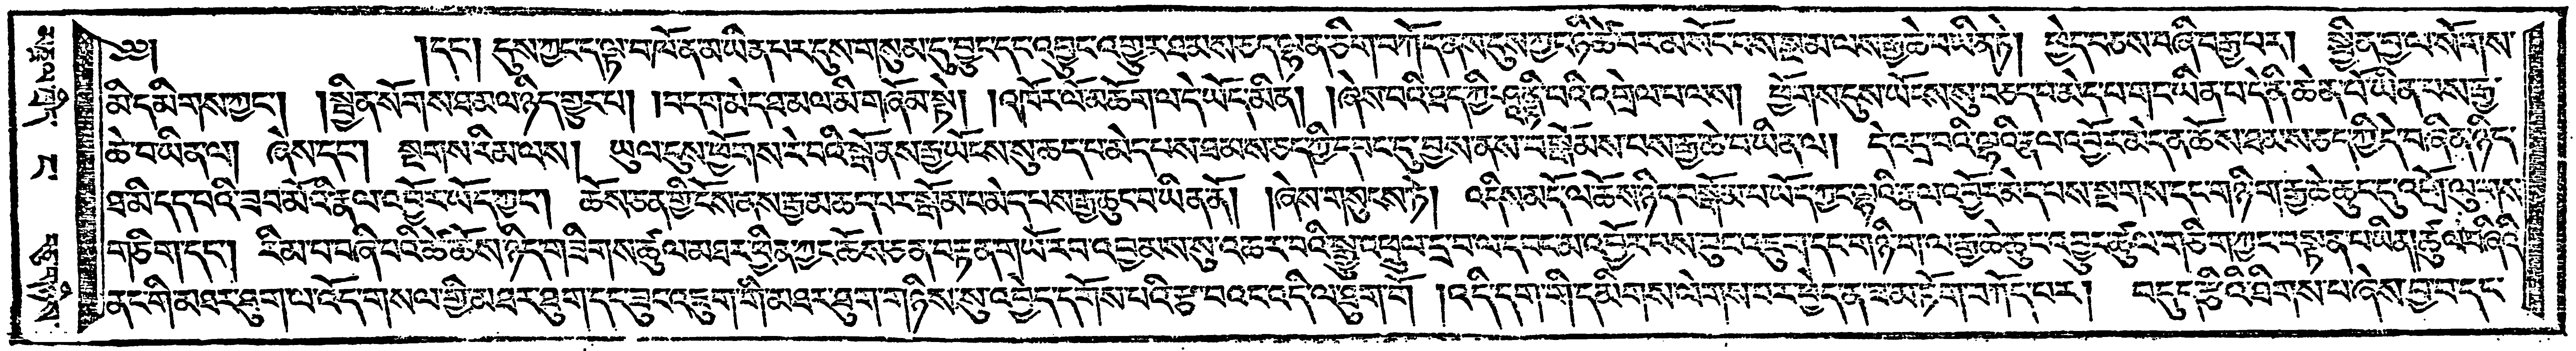༄༅། །དང་། དུས་ཀྱང་ད་ལྟ་བ་ཁོ་ན་མ་ཡིན་བར་དུས་གསུམ་དུ་བྱུང་དང་འབྱུང་འགྱུར་ཐམས་ཅད་ལྷན་ཅིག་བཀོད་ནས་དུས་ཀྱང་ཉི་ཚེ་བར་མ་སོང་བས་སྔ་མ་ལས་རྒྱ་ཆེ་བ་ཡིན་ཏེ། ཕྱེད་བཅས་བཞི་བརྒྱ་པར། སྦྱིན་བྱ་ལ་སོགས་
མི་དམིགས་ཀྱང་། །སྦྱིན་སོགས་ཐ་མལ་ཉིད་གྱུར་བ། །བདག་མེད་ཐ་མལ་མི་གཞོམ་སྟེ། །འཁོར་ལོ་མཆོག་ལ་དེ་ཡོད་མིན། །ཞེས་པའི་ཐད་ཀྱི་ཤཱནྟི་བའི་འགྲེལ་པ་ལས། ཕྱོགས་དུས་ཡོངས་སུ་བཅད་བ་མེད་པ་གང་ཡིན་པ་དེ་ནི་ཆེན་པོ་ཡིན་པས་རྒྱ་
ཆེ་བ་ཡིན་ལ། ཞེས་དང་། སྔགས་རིམ་ལས། ཡུལ་དུས་ཕྱོགས་རེ་བའི་སྒོ་ནས་རྒྱ་ཡོངས་སུ་ཆད་པ་མེད་པས་ཐམས་ཅད་ཀྱི་དབང་དུ་བྱས་ནས་བསྒོམས་པས་རྒྱ་ཆེ་བ་ཡིན་ལ། དེ་འདྲ་བའི་ལྷའི་རྣལ་འབྱོར་མེད་ན་ཆོས་ཐམས་ཅད་ཀྱི་དེ་བཞིན་ཉིད་
ཐ་མི་དད་པའི་ཟབ་མོའི་རྣལ་འབྱོར་ཡོད་ཀྱང་། ཆོས་ཅན་གྱི་ངོས་ནས་རྒྱ་མཆད་བར་སྒོམ་པ་མེད་པས་རྒྱ་ཆུང་བ་ཡིན་ནོ། །ཞེས་གསུངས་ཏེ། འདིས་མདོ་ལ་ཆོས་ཉིད་བསྒོམ་པ་ཡོད་ཀྱང་ལྷའི་རྣལ་འབྱོར་མེད་པས་སྔགས་དང་གཉི་ག་རྒྱ་ཆེ་ཆུང་དུ་འགྲོ་ལུགས་
གཅིག་དང་། རིམ་པ་བཞི་བའི་ཚེ་ཆོས་ཉིད་གཟིགས་ཚུལ་མཐར་ཕྱིན་ཀྱང་ཚེས་ཅན་བརྟན་གཡོ་རབ་འབྱམས་སུ་འཆར་བའི་སྒྱུ་འཕྲུལ་དྲ་པ་ལ་དབང་མ་འབྱོར་པས་ཟུང་འཇུག་དང་གཉི་ག་ལ་རྒྱ་ཆེ་ཆུང་འབྱུང་ཚུལ་གཅིག་ཀྱང་བསྟན་པ་ཡིན། ཚུལ་བཞིའི་
ནང་གི་མཐར་ཐུག་ལ་འོད་གསལ་གྱི་མཐར་ཐུག་དང་ཟུང་འཇུག་གི་མཐར་ཐུག་གཉིས་སུ་འབྱེད་དགོས་པའི་རྩ་བའང་འདི་ལ་ཐུག་གོ །འདི་དག་གི་དམིགས་ལེགས་པར་ཕྱེད་ན་ཟ་མ་ཏོག་བཀོད་པར། བདུད་རྩིའི་ཐིགས་པ་ཞེས་བྱ་བ་དང་